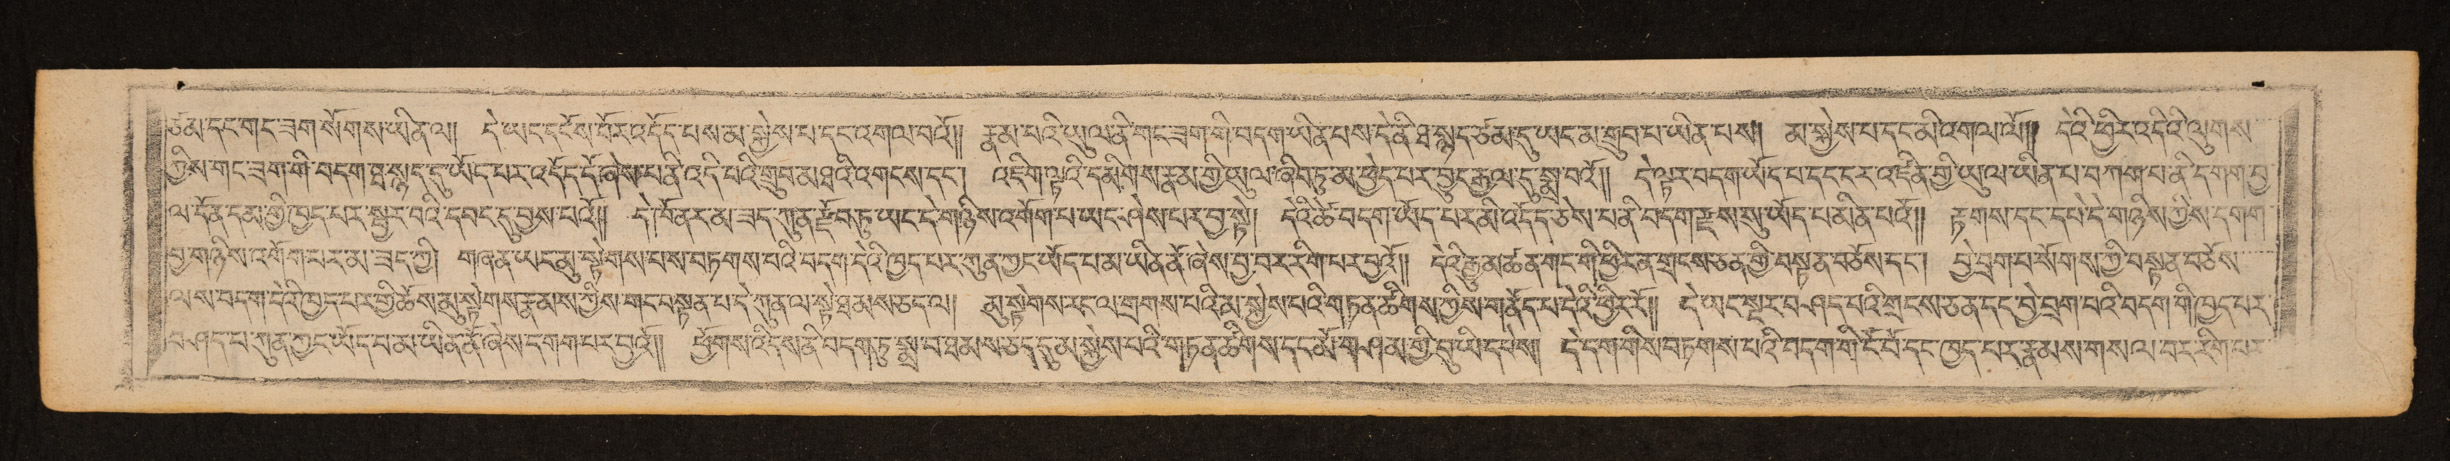ཙམ་དང་གང་ཟག་སོགས་ཡིན་ལ། དེ་ཡང་དངོས་པོར་འདོད་པས་མ་སྐྱེས་པ་དང་འགལ་བའོ།། རྣམ་པའི་ཡུལ་ནི་གང་ཟག་གི་བདག་ཡིན་པས་དེ་ནི་ཐ་སྙད་ཙམ་དུ་ཡང་མ་གྲུབ་པ་ཡིན་པས། མ་སྐྱེས་པ་དང་མི་འགལ་ལོ།། དེའི་ཕྱིར་འདིའི་ལུགས་
ཀྱི་གང་ཟག་གི་བདག་ཐ་སྙད་དུ་ཡོད་པར་འདོད་དོ་ཞེས་པ་ནི་འདི་པའི་གྲུབ་མཐའི་འགངས་དང་། འཇིག་ལྟའི་དམིགས་རྣམ་གྱི་ཡུལ་ཞིབ་ཏུ་མ་ཕྱེད་པར་བྱུང་རྒྱལ་དུ་སྨྲ་བའོ།། དེ་ལྟར་བདག་ཡོད་པ་དང་ངར་འཛིན་གྱི་ཡུལ་ཡིན་པ་བཀག་པ་ནི་དགག་བྱ་
ལ་དོན་དམ་གྱི་ཁྱད་པར་སྦྱར་བའི་དབང་དུ་བྱས་པའོ།། དེ་ཁོ་ནར་མ་ཟད་ཀུན་རྫོབ་ཏུ་ཡང་དེ་གཉིས་འགོག་པ་ཡང་ཤེས་པར་བྱ་སྟེ། དེའི་ཚེ་བདག་ཡོད་པར་མི་འདོད་ཅེས་པ་ནི་བདག་རྫས་སུ་ཡོད་པ་མིན་པའོ།། རྟགས་དང་དཔེ་དེ་གཉིས་ཀྱིས་དགག་
བྱ་གཉིས་འགོག་པར་མ་ཟད་ཀྱི། གཞན་ཡང་མུ་སྟེགས་པས་བཏགས་པའི་བདག་དེའི་ཁྱད་པར་ཀུན་ཀྱང་ཡོད་པ་མ་ཡིན་ནོ་ཞེས་བྱ་བར་རིག་པར་བྱའོ།། དེའི་རྒྱུ་མཚན་གང་གི་ཕྱིར་ན་གྲངས་ཅན་གྱི་བསྟན་བཅོས་དང་། བྱེ་བྲག་པ་སོགས་ཀྱི་བསྟན་བཅོས་
ལས་བདག་དེའི་ཁྱད་པར་གྱི་ཆོས་མུ་སྟེགས་རྣམས་ཀྱིས་གང་བསྟན་པ་དེ་ཀུན་ལ་སྟེ་ཐམས་ཅད་ལ། མུ་སྟེགས་རང་ལ་གྲགས་པའི་མ་སྐྱེས་པའི་གཏན་ཚིགས་ཀྱིས་གནོད་པ་དེའི་ཕྱིར་རོ།། དེ་ཡང་སྔར་བཤད་པའི་གྲངས་ཅན་དང་བྱེ་བྲག་པའི་བདག་གི་ཁྱད་པར་
བཤད་པ་ཀུན་ཀྱང་ཡོད་པ་མ་ཡིན་ནོ་ཞེས་དགག་པར་བྱའོ།། ཕྱོགས་འདིས་ནི་བདག་ཏུ་སྨྲ་བ་ཐམས་ཅད་དུ་མ་སྐྱེས་པའི་གཏན་ཚིགས་དང་མོ་གཤམ་གྱི་བུ་ཡི་དཔེས། དེ་དག་གིས་བཏགས་པའི་བདག་གི་ངོ་བོ་དང་ཁྱད་པར་རྣམས་གསལ་བར་རིག་པར་